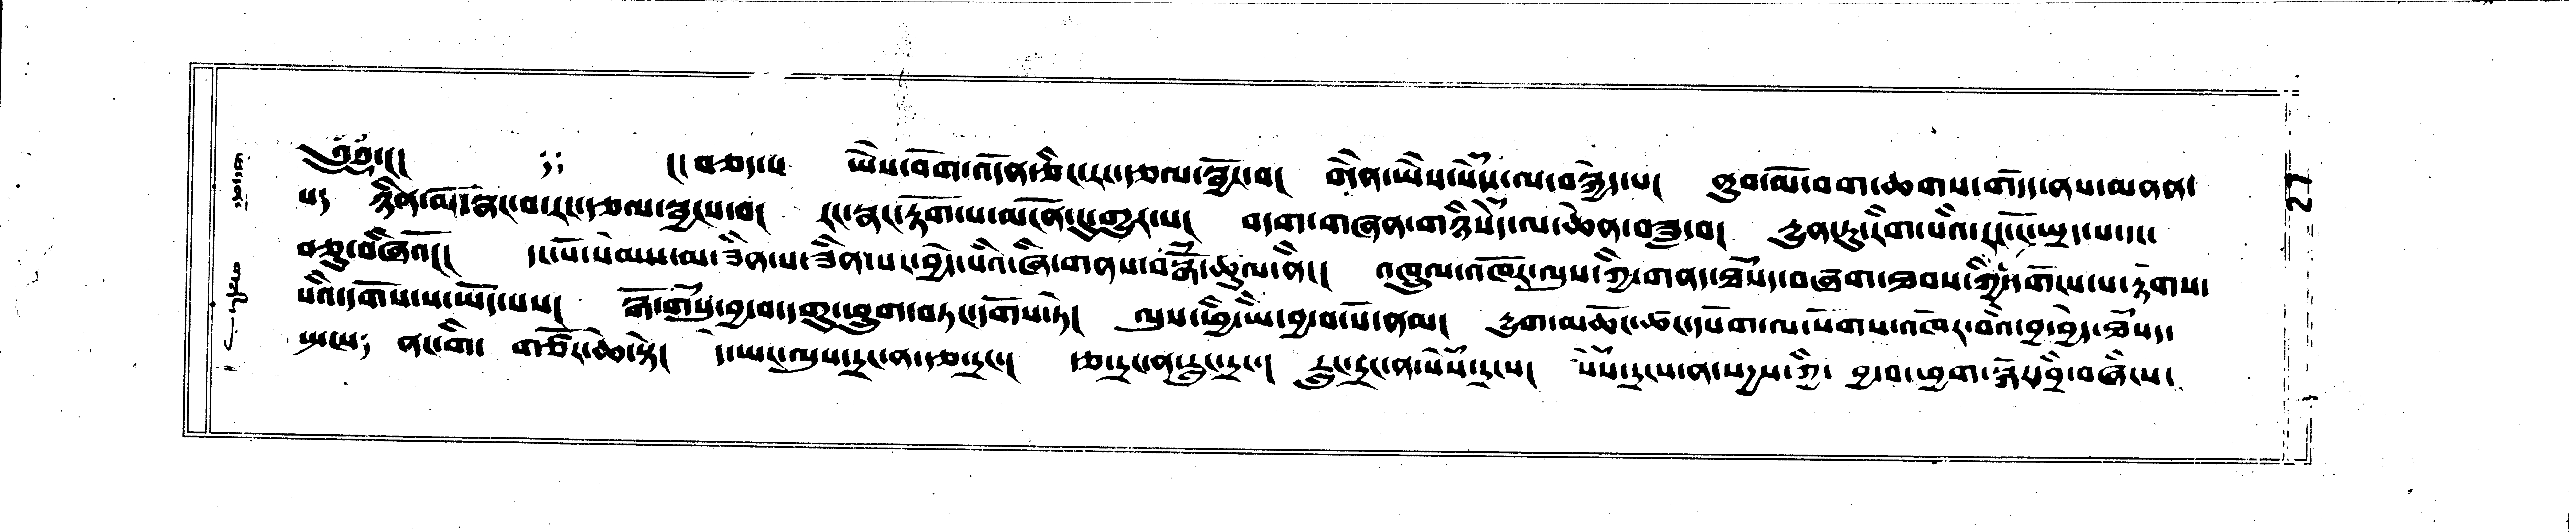བཅད་པ། ཡེ་ཤེས་བོགས་འདོན་ཅིང་རང་རྩལ་སྦྱོང་བ། བདེ་ཆེན་ཡེ་ཤེས་སེམས་ལ་བསྐྱེད་པ། ནུབ་མོ་བག་ཆགས་རྟོད་ནས་མནན་
པ། ཉིན་མོ་སྣང་བ་རང་རྩལ་སྦྱོང་བ། རང་སྣང་རྟོག་པ་མངོན་དུ་གྱུར་པ། བདག་གཞན་གཉིས་མེད་ལ་ཆེན་བཟླ་བ། རྒྱུན་དུ་རིག་པའི་རང་ངོ་སྤྲད་པ་དང་
བཅུ་བཞིའོ། །དང་པོ་སེམས་མ་ཟིན་པ་ཟིན་པར་བྱེད་པའི་ཞི་གནས་བསྒོམ་ཚུལ་ནི། འཁྲུལ་འཁོར་ལུས་ཀྱི་གནད་ཐམས་ཅད་བཞག་ཐབས་ཀྱི་དགོངས་པ་རྟོགས་
པའི་དགོས་པ་ཡོད་པས། སྒོ་གསུམ་བྱ་བ་དགུ་ཕྲུགས་བཏང་དགོས་ཏེ། ལུས་ཕྱི་ཡི་བྱ་བ་སོ་ནམ། རྒྱུག་མཆོང་ཚང་དཔོག་ལ་སོགས་འཁོར་བའི་བྱ་བྱེད་ཐམས་ཅད་
སྤང་། ནང་གི་གཙོར་ཆེ་སྟེ། དེ་ཡང་ལུས་དྲང་ན་རྩ་དྲང་། རྩ་དྲང་ན་རླུང་དྲང་། རླུང་དྲངས་ན་སེམས་དྲངས། སེམས་དྲང་ན་སངས་རྒྱས་ཀྱི་བྱ་བ་ཕྱག་སྐོར་བྲི་བཞེངས་